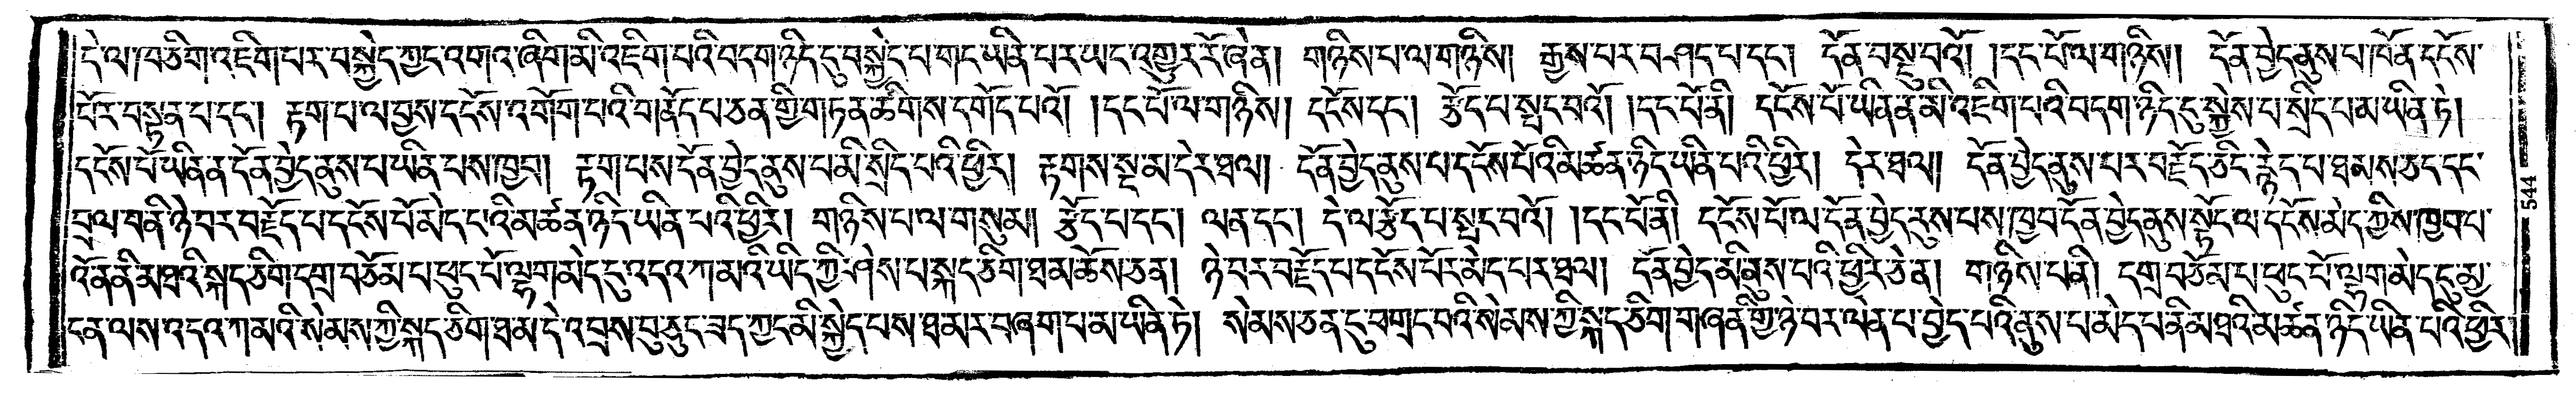དེ་ལ་ཁ་ཅིག་འཇིག་པར་བསྐྱེད་ཀྱང་འགའ་ཞིག་མི་འཇིག་པའི་བདག་ཉིད་དུ་བསྐྱེད་པ་གང་ཡིན་པར་ཡང་འགྱུར་རོ་ཞེ་ན། གཉིས་པ་ལ་གཉིས། རྒྱས་པར་བཤད་པ་དང་། དོན་བསྡུ་བའོ། །དང་པོ་ལ་གཉིས། དོན་བྱེད་ནུས་པ་ཁོ་ན་དངོས་
པོར་བསྟན་པ་དང་། རྟག་པ་ལ་བྱས་དངོས་འགོག་པའི་གནོད་པ་ཅན་གྱི་གཏན་ཚིགས་དགོད་པའོ། །དང་པོ་ལ་གཉིས། དངོས་དང་། རྩོད་པ་སྤང་བའོ། །དང་པོ་ནི། དངོས་པོ་ཡིན་ན་མི་འཇིག་པའི་བདག་ཉིད་དུ་སྐྱེས་པ་སྲིད་པ་མ་ཡིན་ཏེ།
དངོས་པོ་ཡིན་ན་དོན་བྱེད་ནུས་པ་ཡིན་པས་ཁྱབ། རྟག་པས་དོན་བྱེད་ནུས་པ་མི་སྲིད་པའི་ཕྱིར། རྟགས་སྔ་མ་དེར་ཐལ། དོན་བྱེད་ནུས་པ་དངོས་པོའི་མཚན་ཉིད་ཡིན་པའི་ཕྱིར། དེར་ཐལ། དོན་བྱེད་ནུས་པར་བརྗོད་ཅིང་རྙེད་པ་ཐམས་ཅད་དང་
བྲལ་བ་ནི་ཉེ་བར་བརྗོད་པ་དངོས་པོ་མེད་པའི་མཚན་ཉིད་ཡིན་པའི་ཕྱིར། གཉིས་པ་ལ་གསུམ། རྩོད་པ་དང་། ལན་དང་། དེ་ལ་རྩོད་པ་སྤང་བའོ། །དང་པོ་ནི། དངོས་པོ་ལ་དོན་བྱེད་རུས་པས་ཁྱབ་དོན་བྱེད་ནུས་སྟོང་ལ་དངོས་མེད་ཀྱིས་ཁྱབ་པ་
འོ་ན་ནི་མཐའི་སྐད་ཅིག་དགྲ་བཅོམ་པ་ཕུང་པོ་ལྷག་མེད་དུ་འདའ་ཀ་མའི་ཡིད་ཀྱི་ཤེས་པ་སྐད་ཅིག་ཐ་མ་ཆོས་ཅན། ཉེ་བར་བརྗོད་པ་དངོས་པོར་མེད་པར་ཐལ། དོན་བྱེད་མི་ནུས་པའི་ཕྱིར་ཅེ་ན། གཉིས་པ་ནི། དགྲ་བཅོམ་པ་ཕུང་པོ་ལྷག་མེད་དུ་མྱ་
ངན་ལས་འདའ་ཀ་མའི་སེམས་ཀྱི་སྐད་ཅིག་ཐ་མ་དེ་འབྲས་བུ་ཅུང་ཟད་ཀྱང་མི་སྐྱེད་པས་ཐ་མར་བཞག་པ་མ་ཡིན་ཏེ། སེམས་ཅན་དུ་བ་གྲང་བའི་སེམས་ཀྱི་སྐད་ཅིག་གཞན་གྱི་ཉེ་བར་ལེན་པ་བྱེད་པའི་ནུས་པ་མེད་པ་ནི་མཐའི་མཚན་ཉིད་ཡིན་པའི་ཕྱིར།